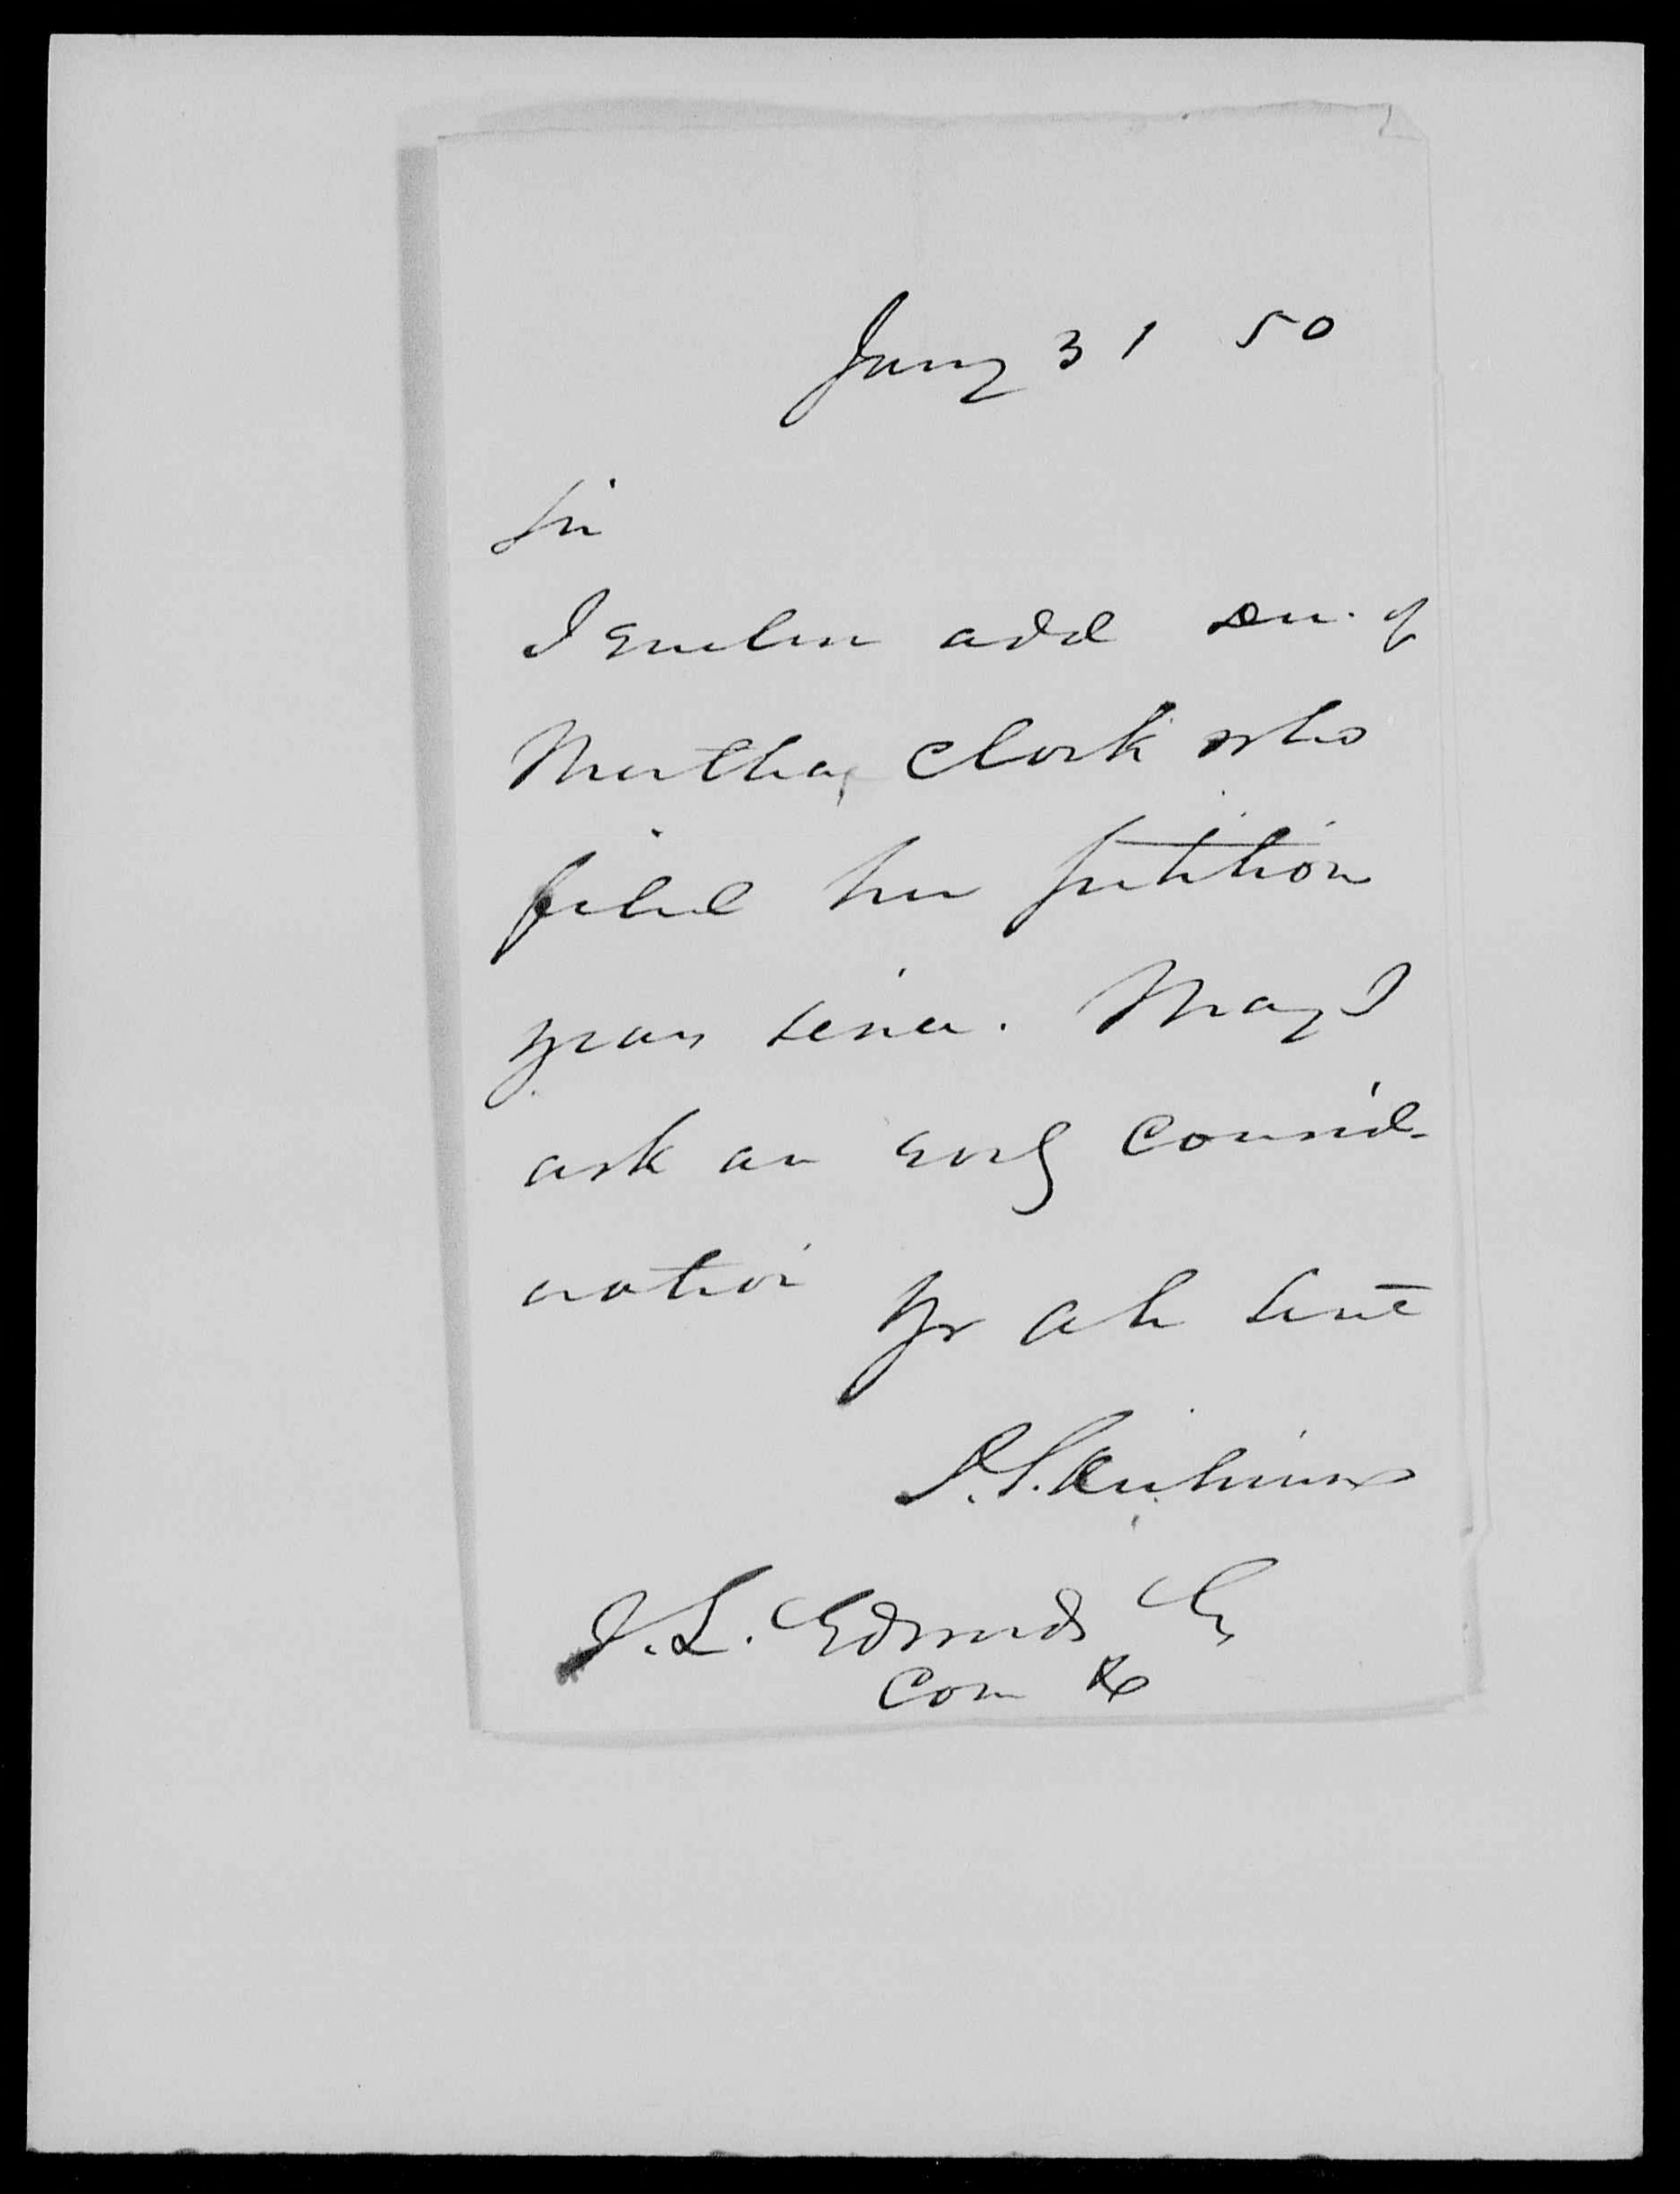Jany 31 50
Sir
I enclose add Dec. of Martha Clark who filed her petition years hence.  May I ask an eng(?) consideration
Yr Ob Sevt
J.T. Ruhison
J.L.Edwards 
Com. Pe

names: S G Mulinex, J L Edwards, Martha Clark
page: 11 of 26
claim: rejected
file: R. 2001, Jonathan Clark, Conn.